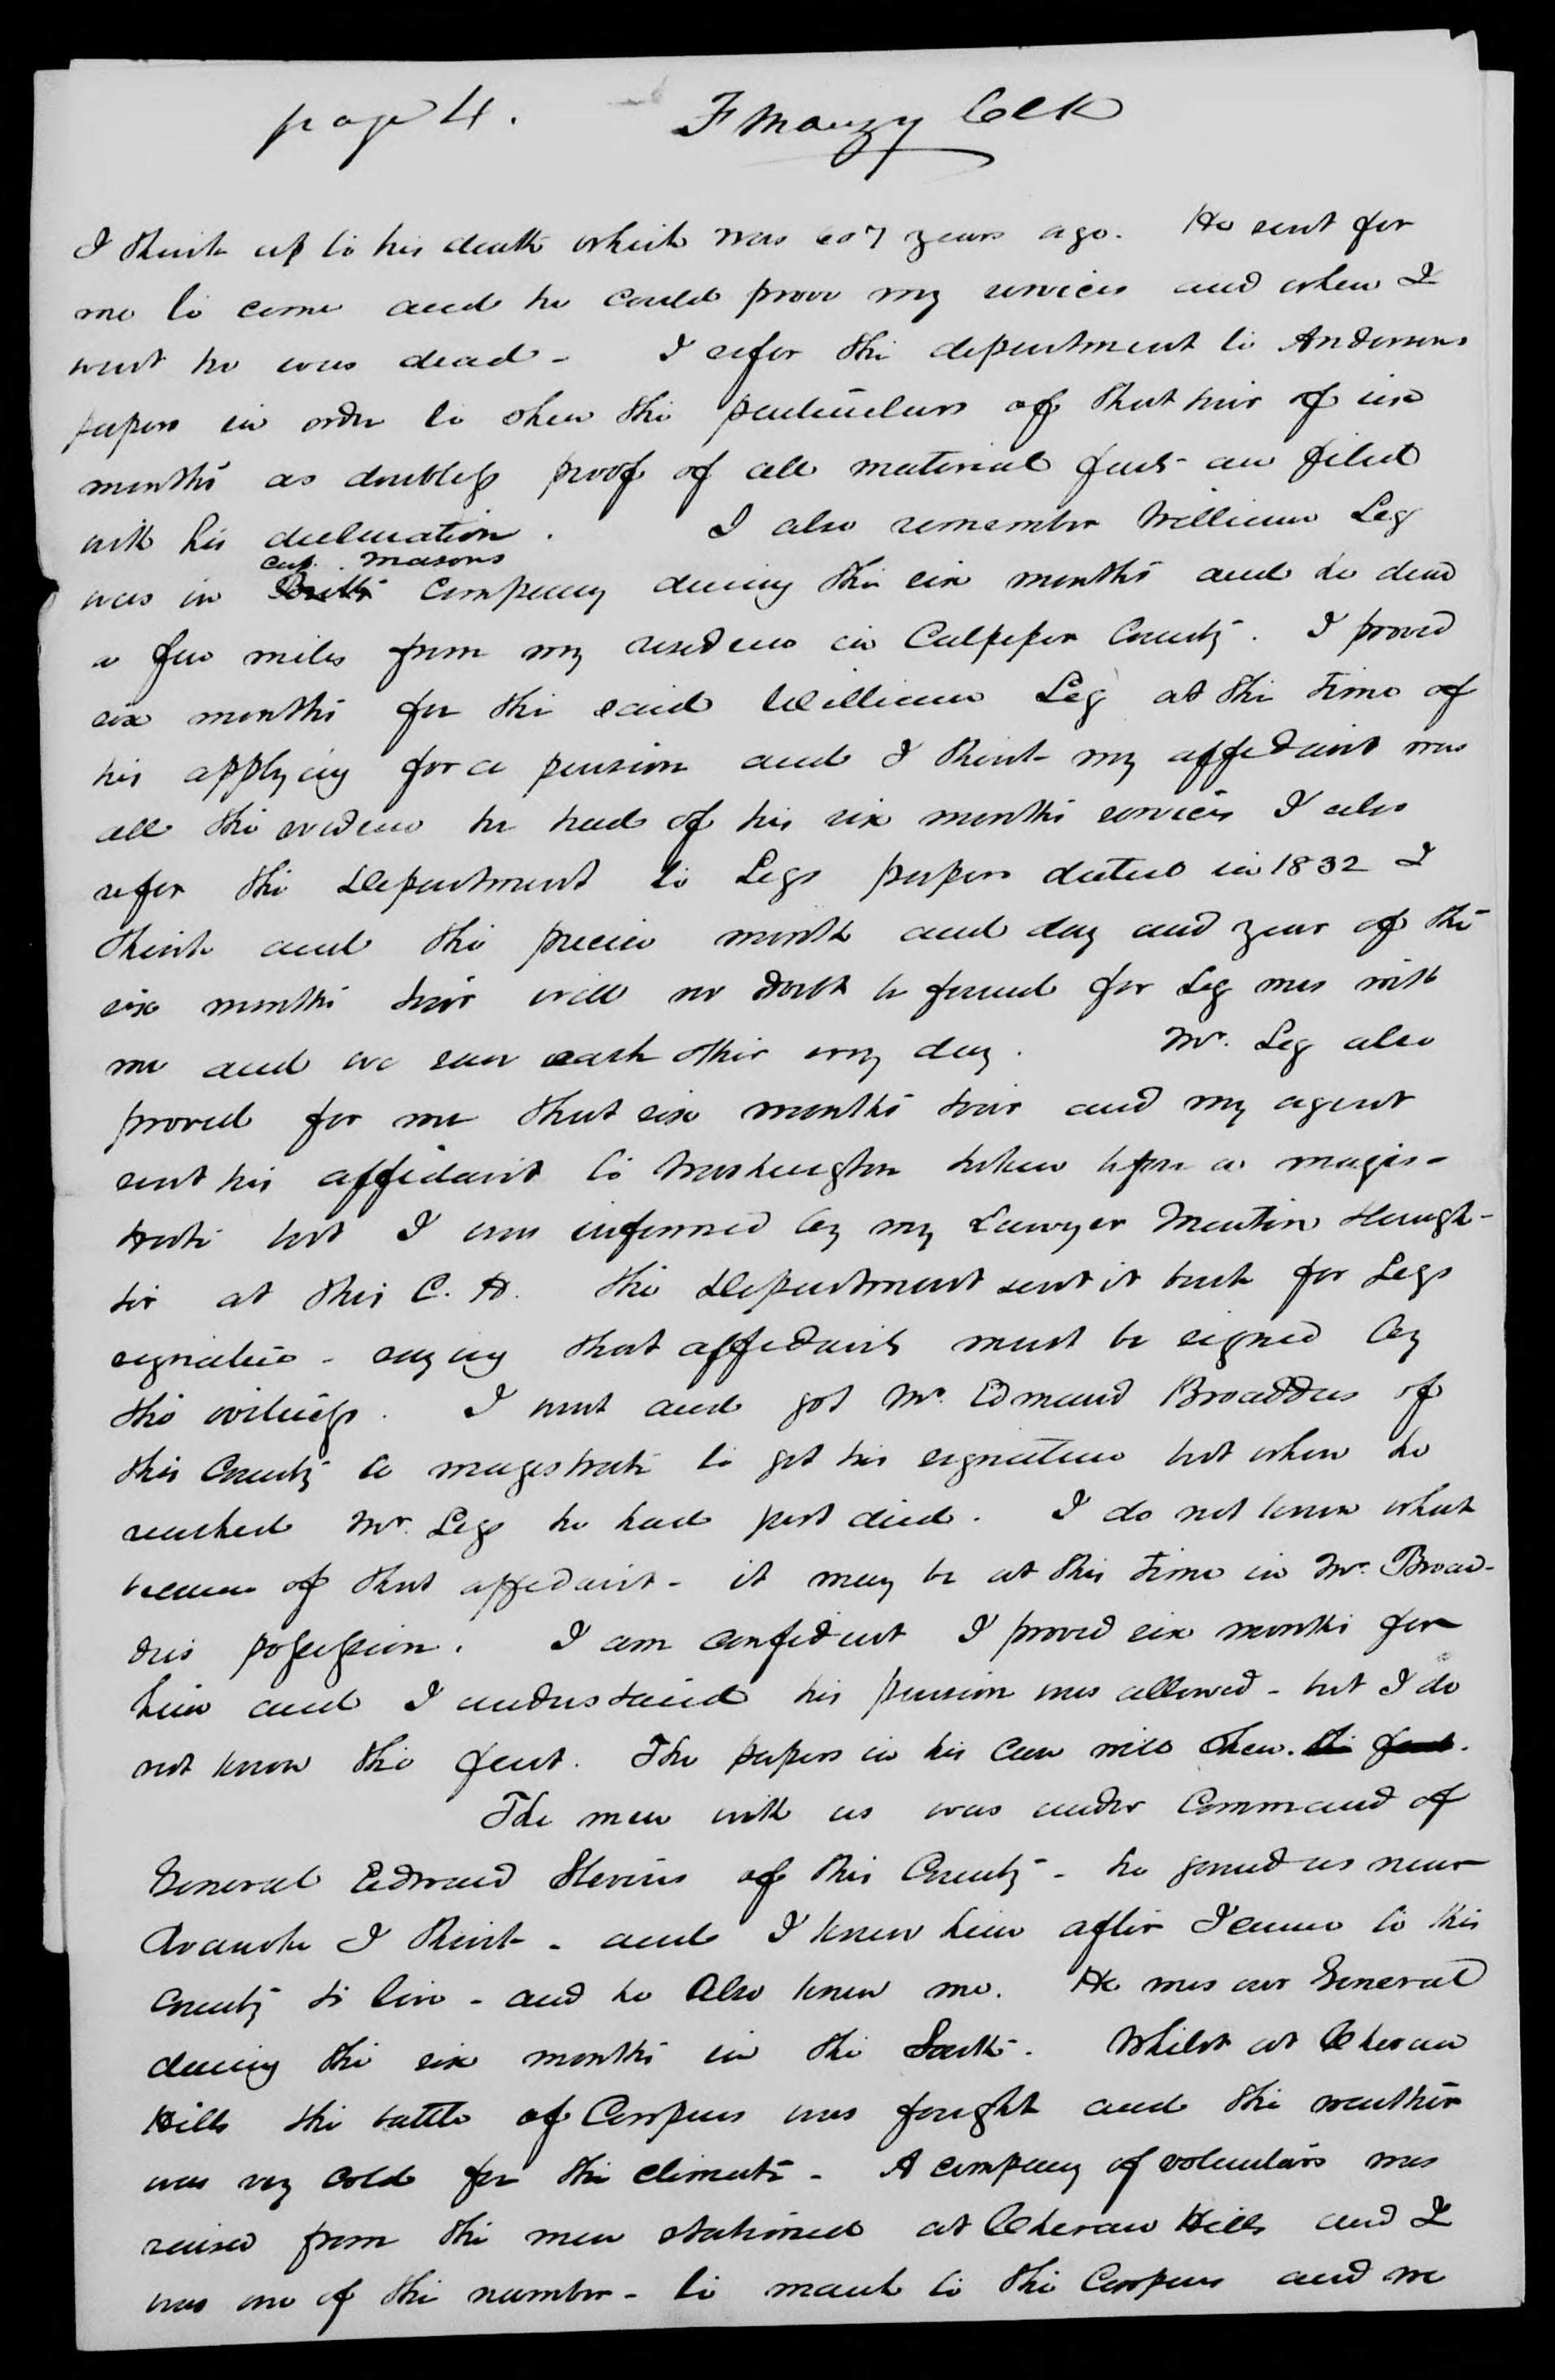page 4 F Mauzy Clk [Clerk]
I think up to his death which was 6 or 7 years ago. 
He sent for me to come and he could prove my services and when I went he was dead. I refer the department to Anderson papers in order to shew the particulars of that [illegible] of in months as doubtless proof of all material facts and filed this declaration.
I also remember William Legg was in Capt. Masons 
company during this six months and he died a few miles from my residence in Culpeper County. I proved six months for the said William Leg at the time of his applying for a pension and I think my affidavit was all the evidence he had of his six months services I also refer the Department to Legs papers dated in 1832 I think and the precise month and day and year of the six months his will no doubt to found for Leg mess with me and we see each other every day
Mr Leg also proved for me that six months tour and my agent and his affidavit to Washington taken before a magistrate was I am informed by my Lawyer Martin Houghton at this C. H. [courthouse?] the Department sent it back for Leg's signature, and that affidavit must be signed by the witness.
I went and got Mr. Edmund Broaddus of this County a magistrate to get his signature but when reached Mr Legs  had just died. I do not know what became of that affidavit, it may be at this time in Mr Broaddus' possession.
I am confident I proved six months for him and I understand his pension is allowed, but I do not
know the fact the papers in his care will show
The men with us was under command of
General Edward Stevens of this County to joined us near
Roanoke I think and I know here after I [illegible] to his
County to line, and he also knew me.
He was  our General during the six months in the South
Whilst on Cheraw Hill the battle of Cowpens was fought and the weather was very cold for the climate. A company of volunteers was raised from the men stationed at Cheraw Hills and I was one of the number to march to the Cowpens and we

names: Edmund Broaddus, William Leg, F Mauzy, Legs, Legs, William Leg, Broaddus, Leg, Edward Stevens, Leg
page: 17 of 61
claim: survivor's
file: S. 8236, Daniel Cole, Va.